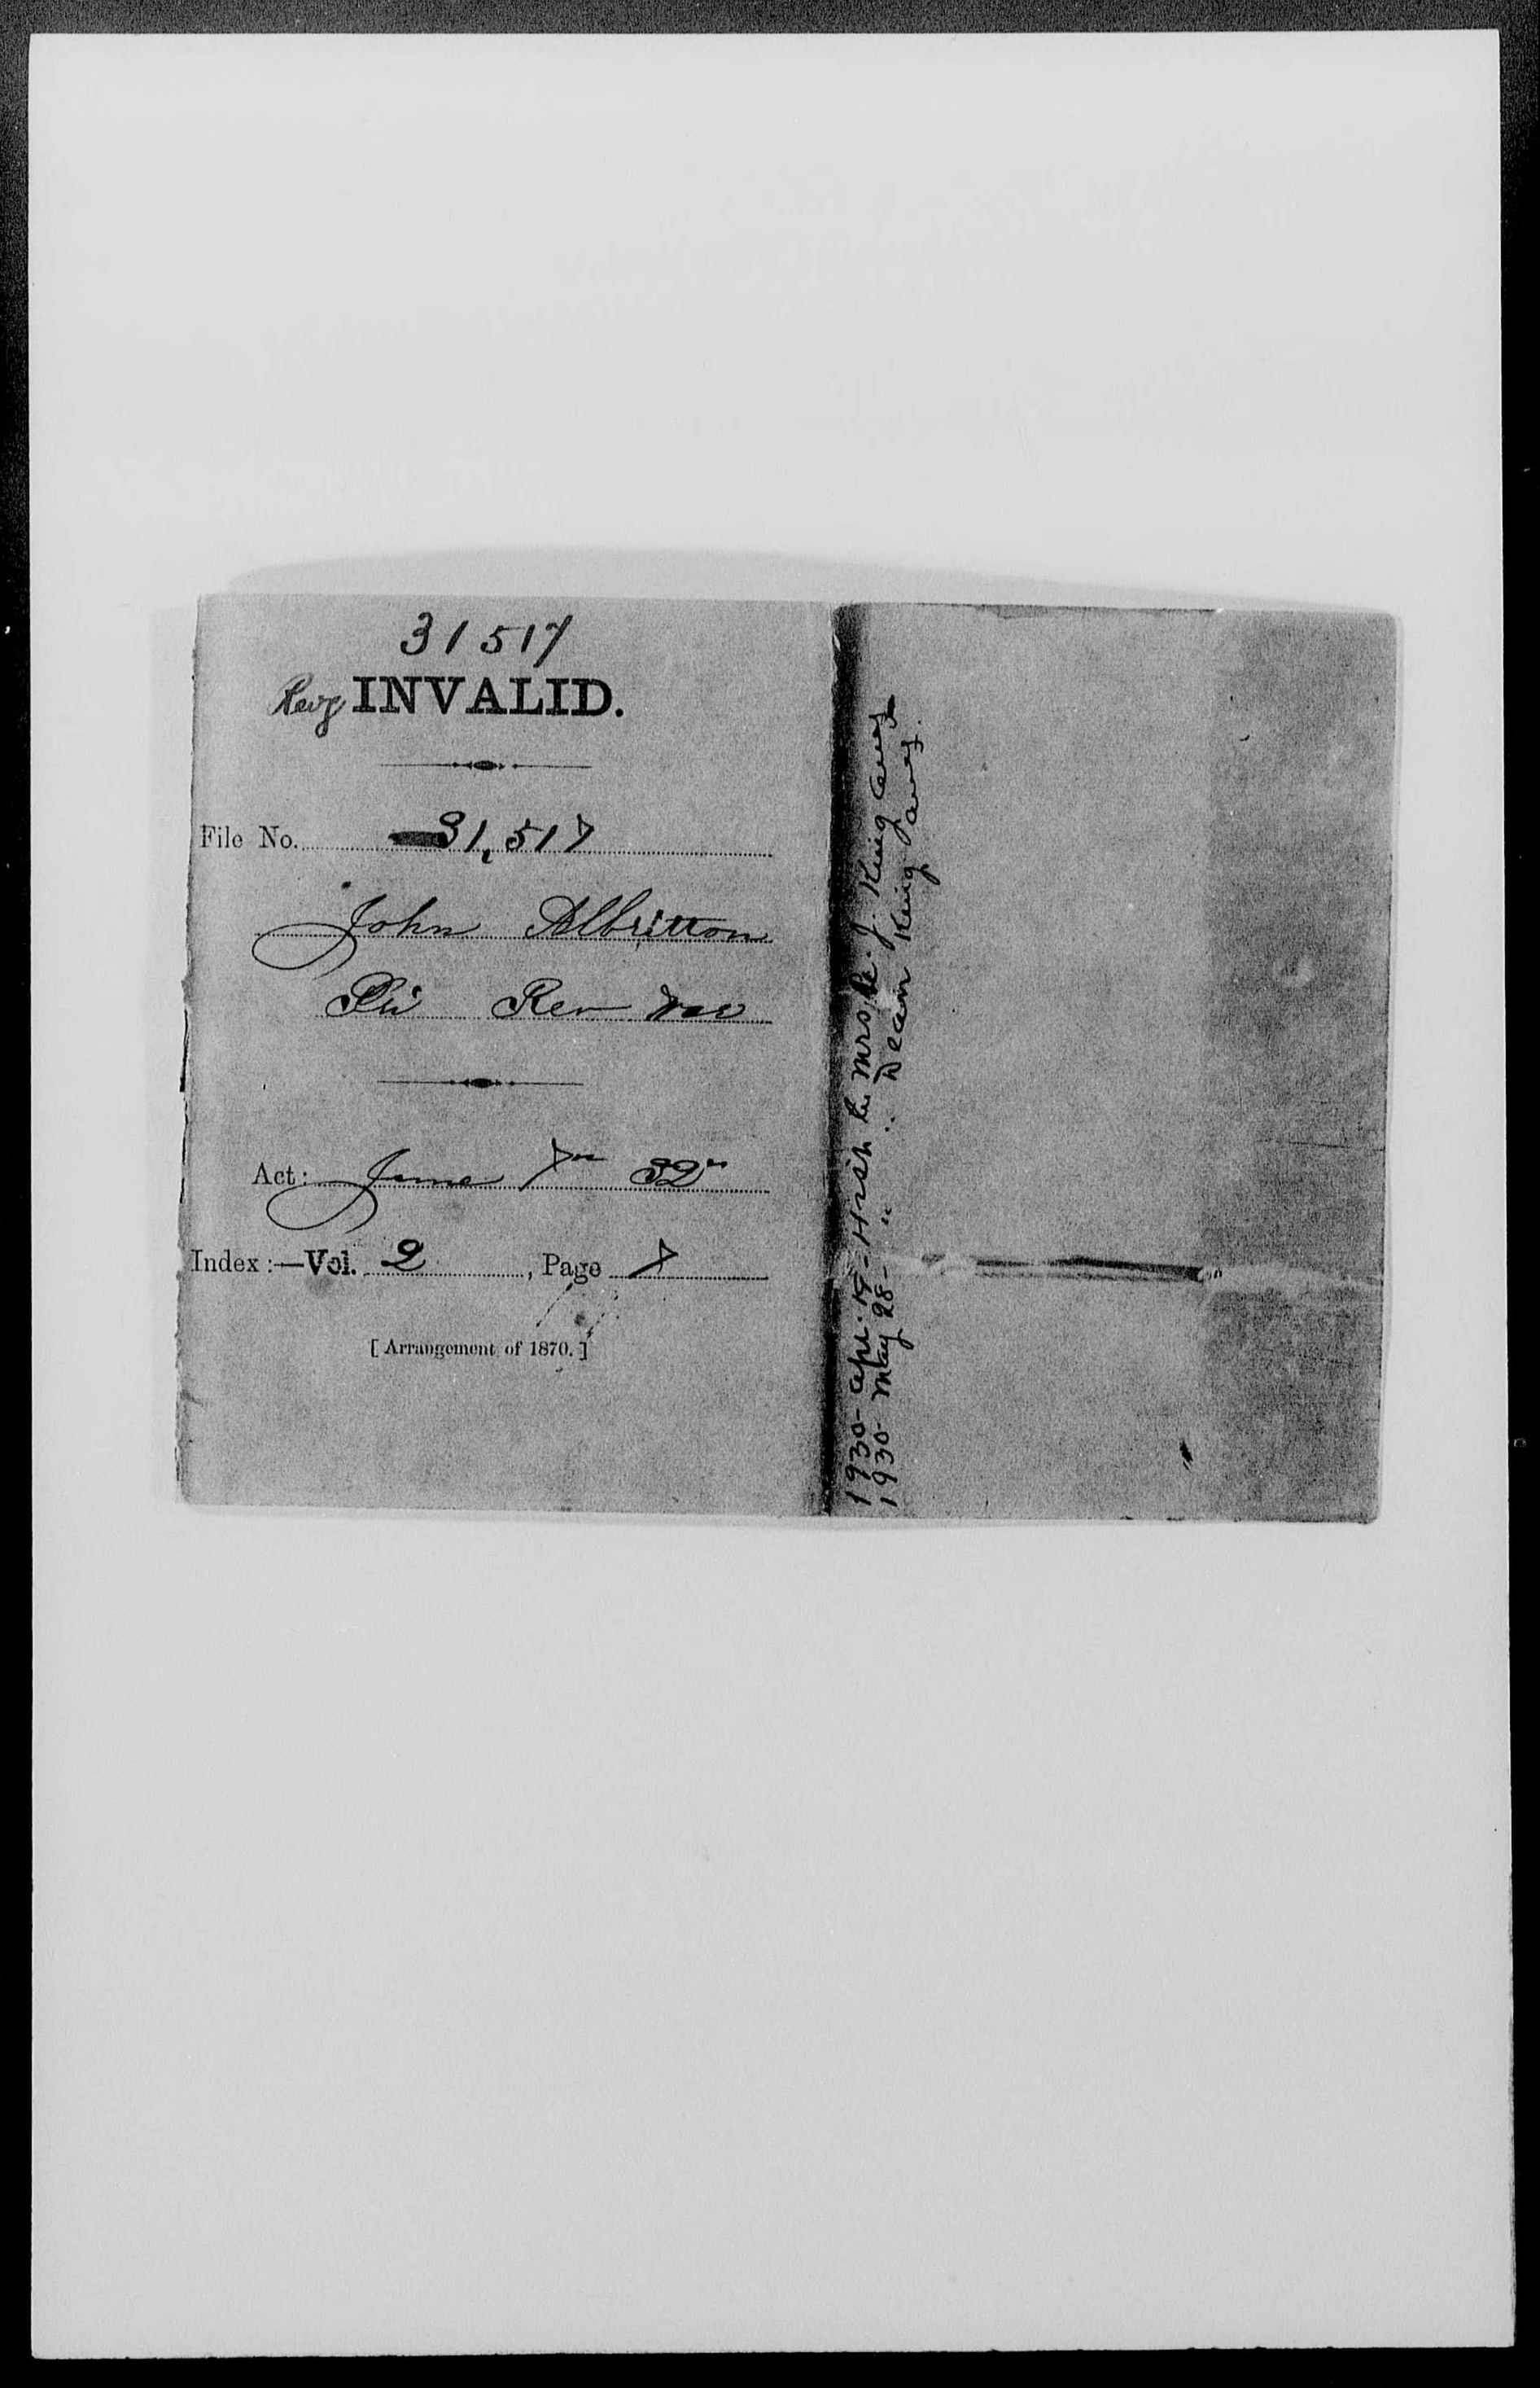31517
Revy INVALID
File No. 31.517
John Albritton
RW Rev War
Act: June 7th 32
Index:-Vol. 2, Page 7
[Arrangement of 1870.}
1930 - Apr 19 - Hist to Mrs P. J. King Cert
1930 - May 28 - Hist to Dean King Cert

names: John Albritton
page: 13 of 22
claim: survivor's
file: S. 31,517, John Allbritton, S.C.